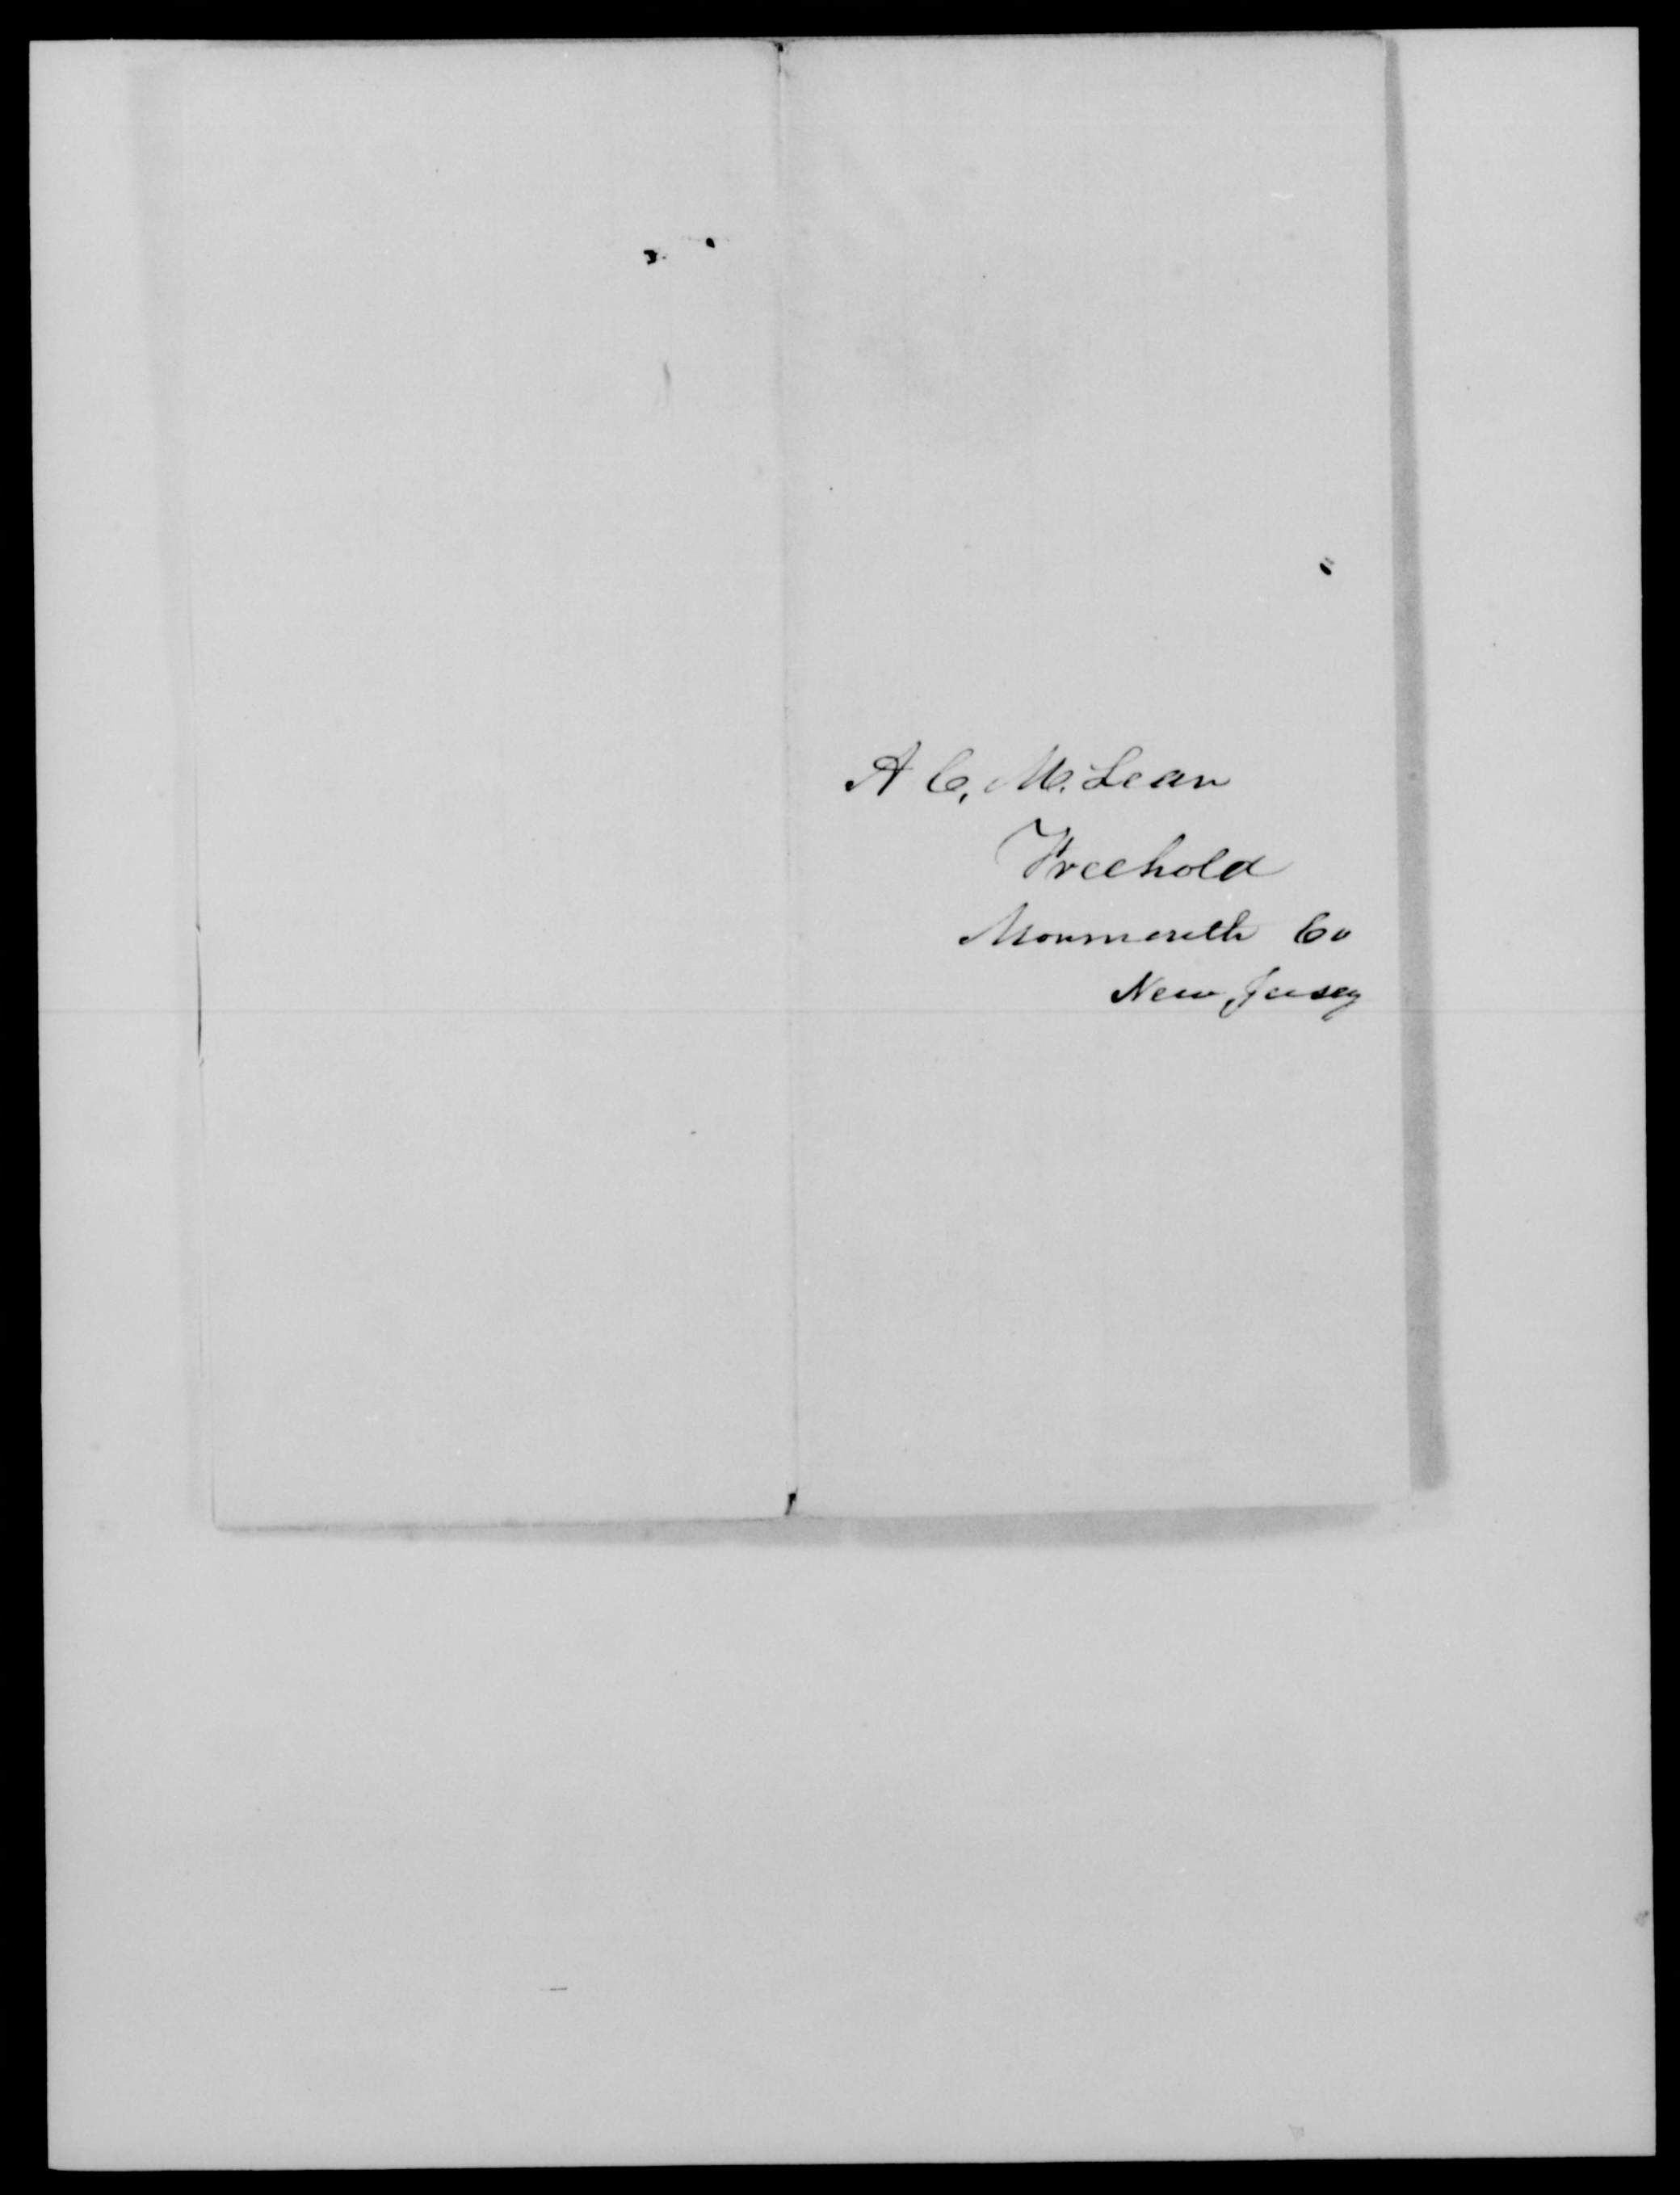A C McLean
Freehold
Monmouth Co
New Jersey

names: A C Mc Lean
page: 30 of 33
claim: survivor's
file: S. 4,841, for James Sickles, New Jersey